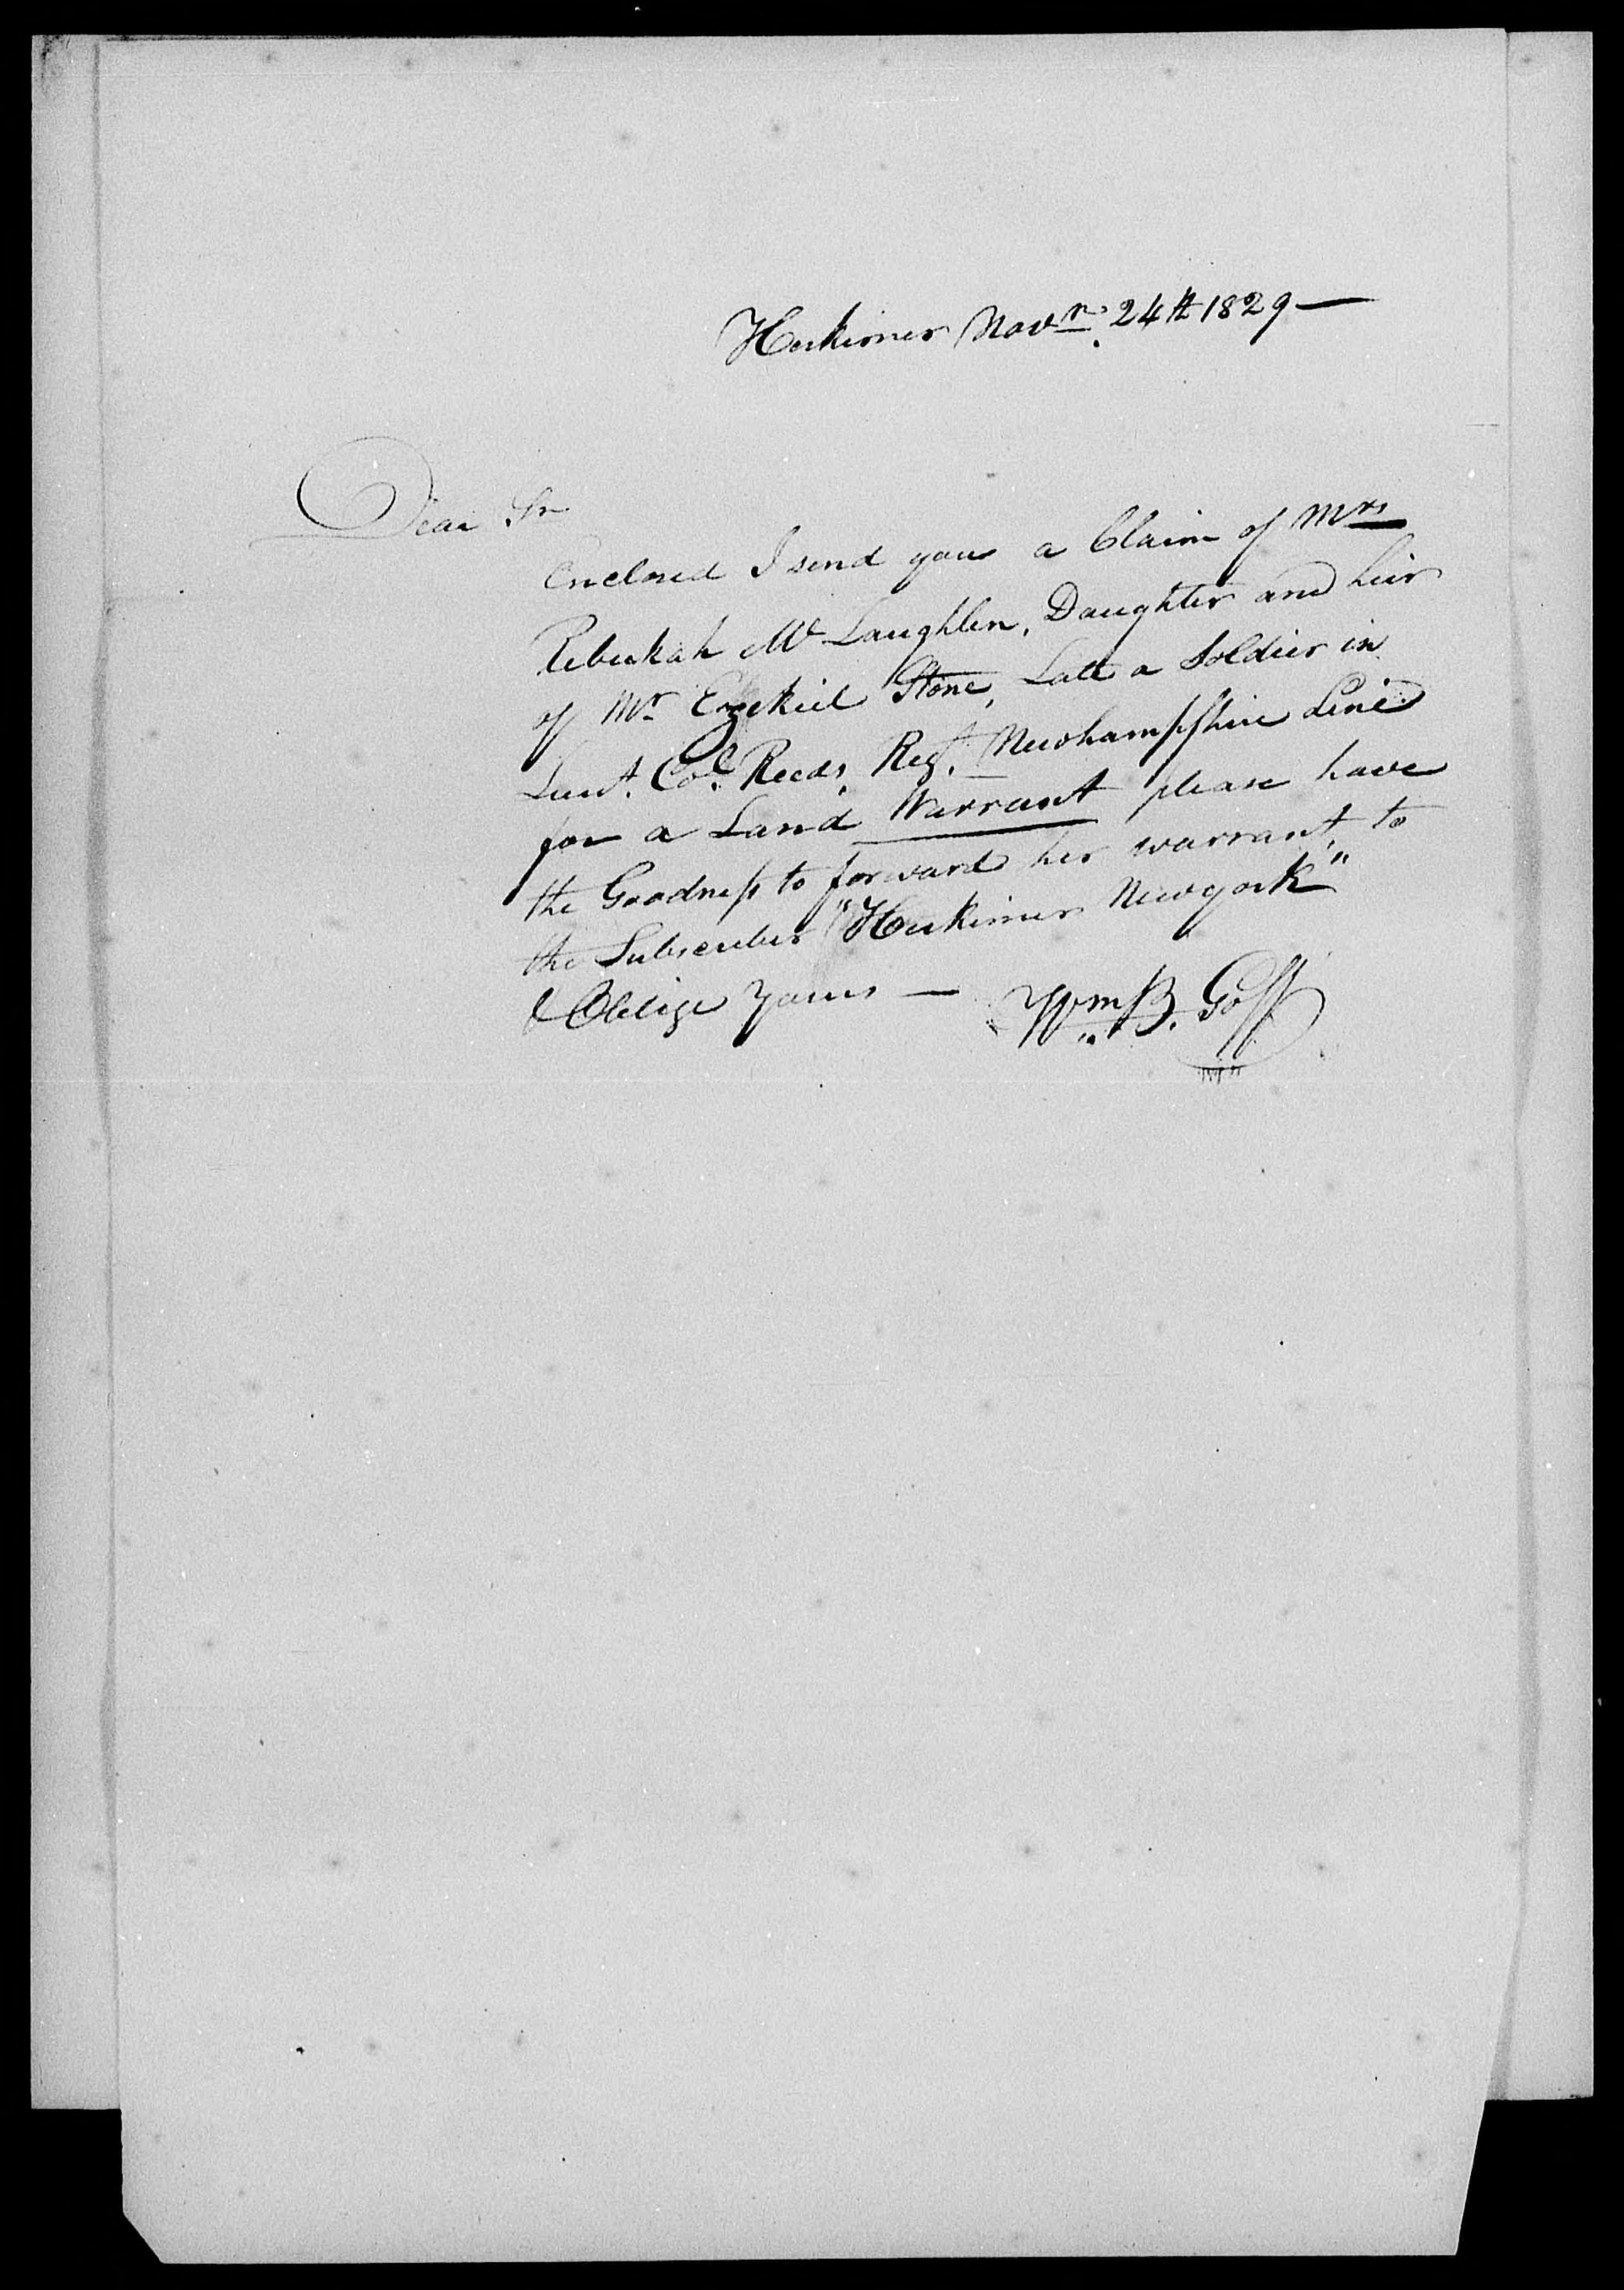Herkimer  Nov'r 24th 1829---

Dear Sir

Enclosed I send you a Claim of Mrs Rebeckah McLaughlin, Daughter and heir of Mr Ezekiel Stone, Late a Soldier in Lieut. Col. Reeds Regt Newhampshire Line for a Land Warrant [underlined] please have the Goodnefs to forward her warrant to the Subscriber "Herkimer Newyork"
Oblige Yours--
Wm. B. Goff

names: Rebeckah Mc Laughlin; Wm B Goff; Ezekiel Stone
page: 38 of 38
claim: survivor's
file: S. 43181, for Ezekiel Stone, New Hampshire